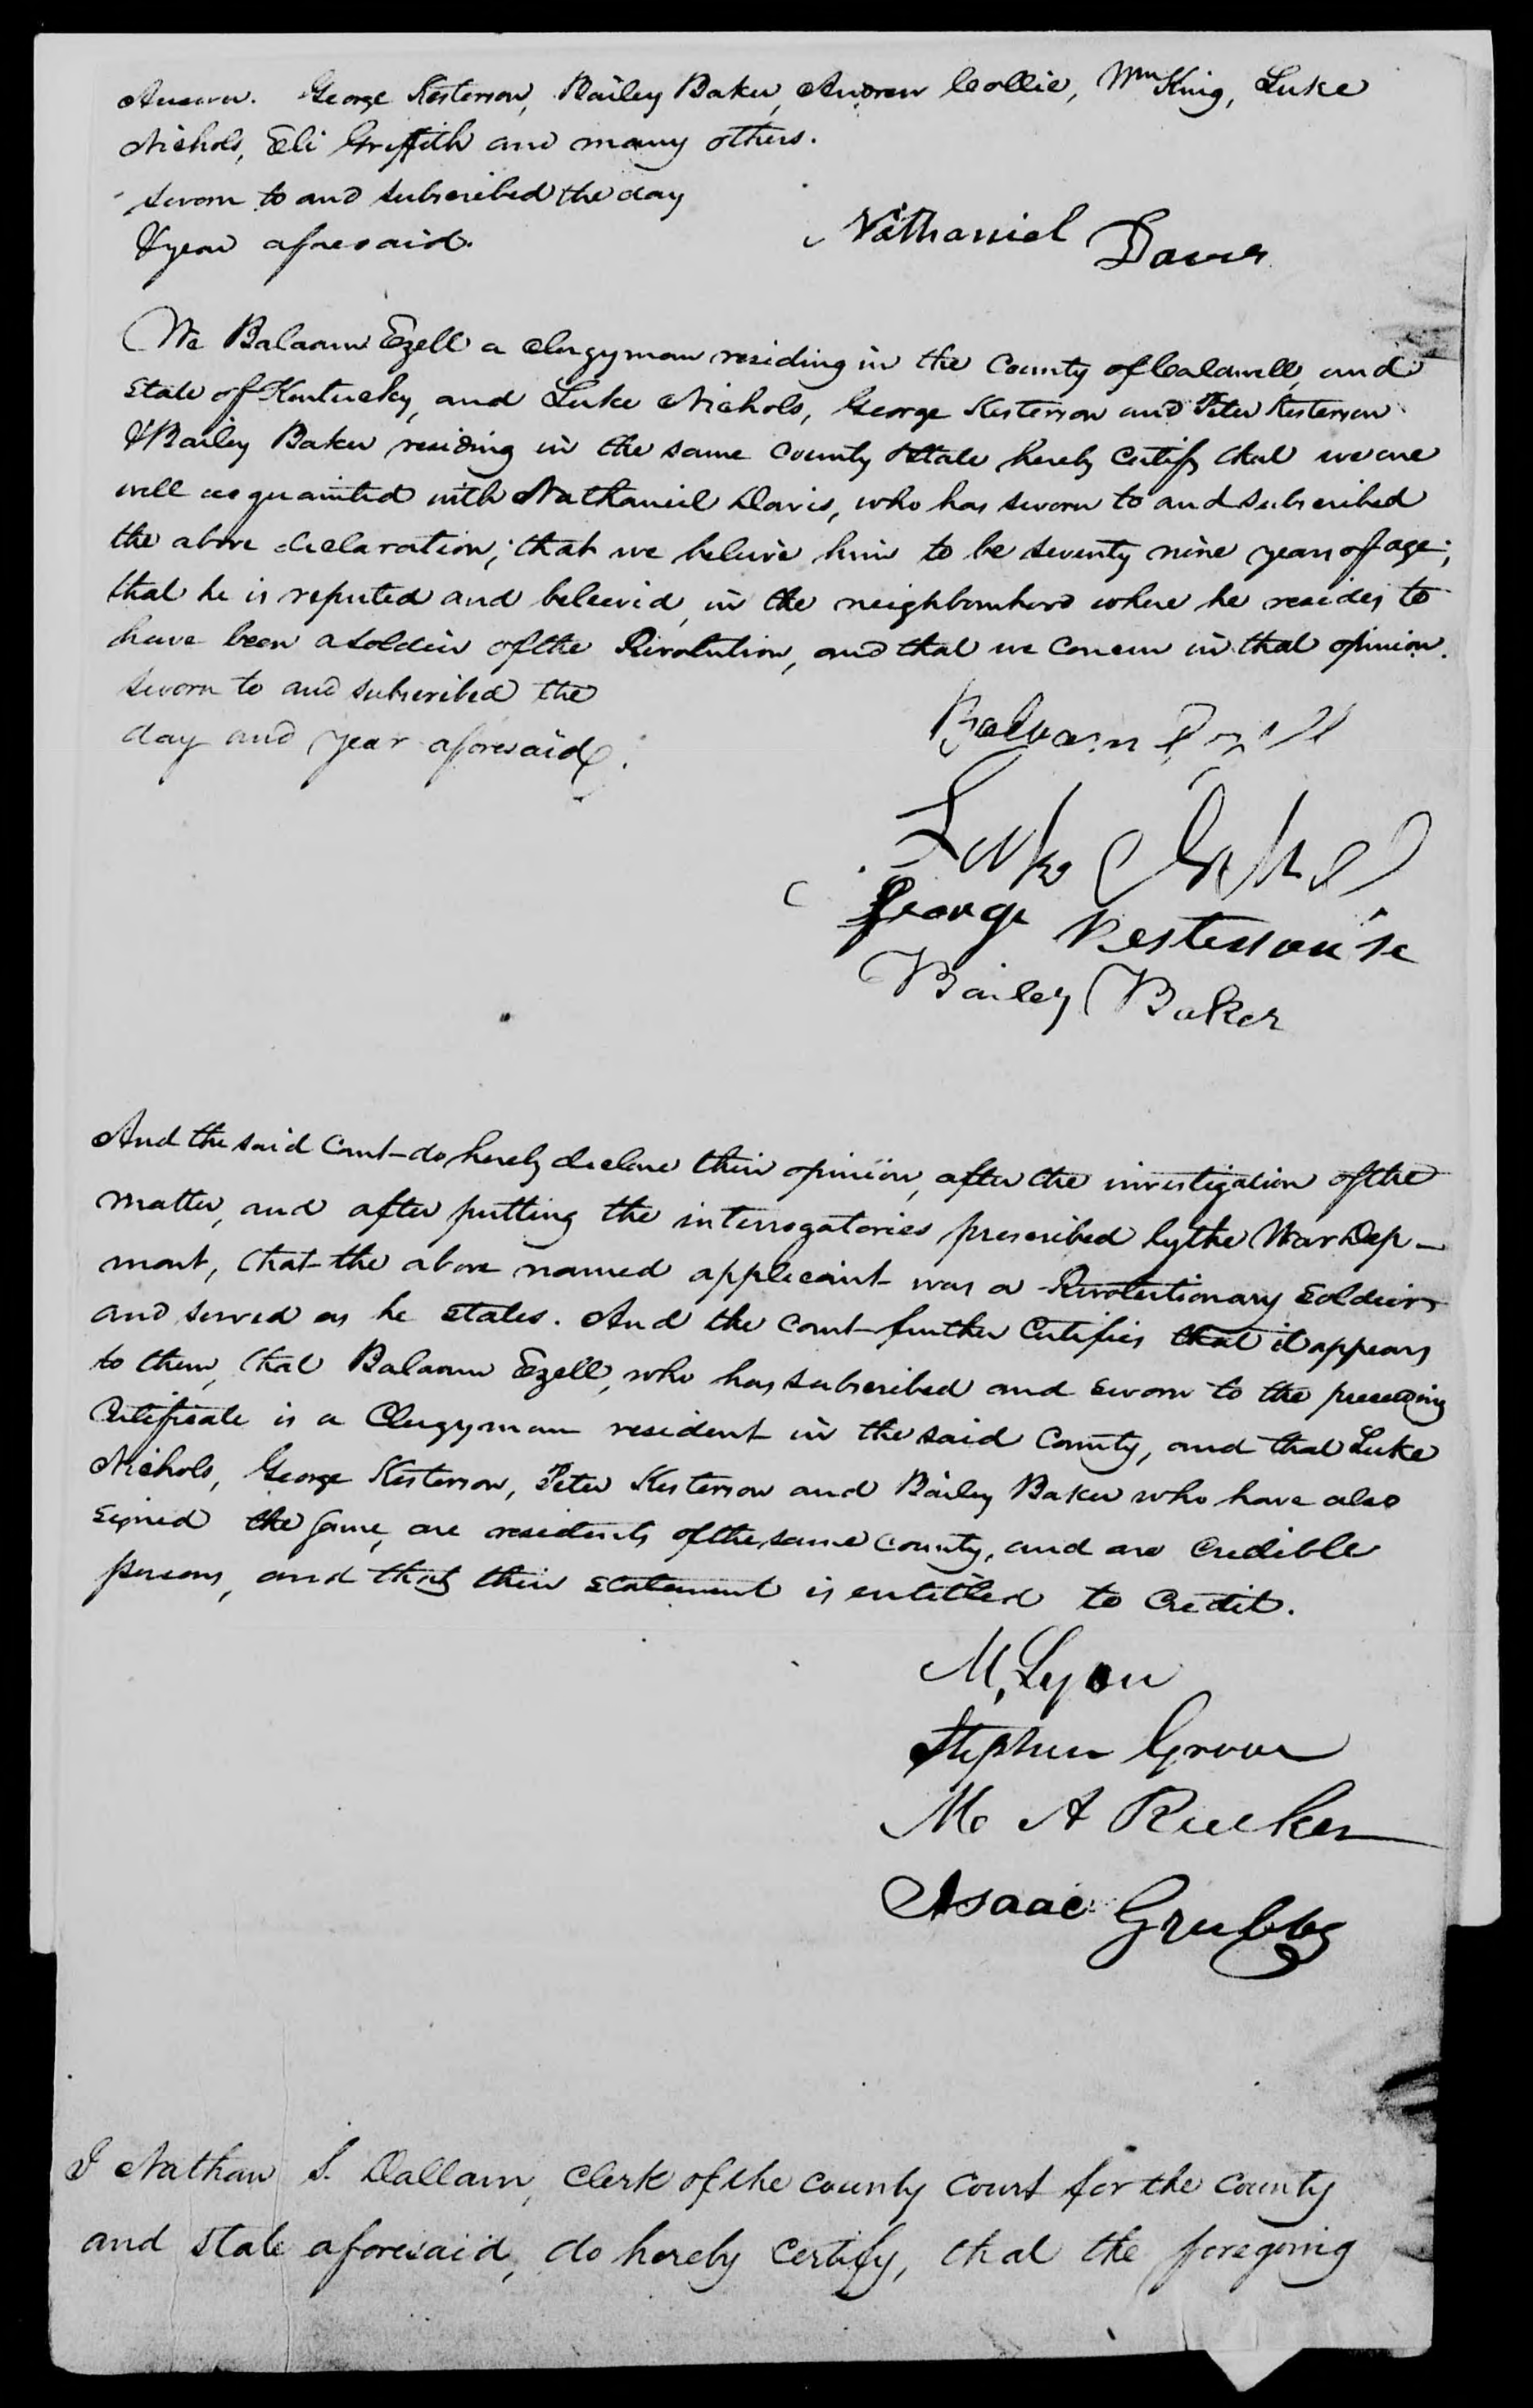Answer. George Kesterson, Bailey Baker, Andrew Collie, Wm King, Luke Nichols, Eli Griffith and many others.
Sworn to and subscribed the day
& year aforesaid. Nathaniel Davis

We Balaam Ezell a clergyman residing in the County of Caldwell, and state of Kentucky, and Luke Nichols, George Kesterson and Peter Kesterson & Bailey Baker residing in the same County & state hereby Certify that we are well acquainted with Nathaniel Davis, who has sworn to and subscribed the above declaration; that we believe him to be seventy nine years of age; that he is reputed and believed, in the neighborhood where he resides to have been a soldier of the Revolution, and that we Concur in that opinion
Sworn to and subscribed the
day and year aforesaid Balaam Ezell
Luke Jake
George Kesterson sr
Bailey Baker

And the said Court do hereby declare their opinion, after the investigation of the matter, and after putting the interrogatories prescribed by the War Department, that the above named applicant was a Revolutionary Soldier and served as he states. And the Court further Certifies that it appears to them that Balaam Ezell, who has subscribed and sworn to the proceeding Certificate is a Clergyman resident in the said County, and that Luke Nichols, George Kesterson, Peter Kesterson, and Bailey Baker who have also signed the same, are residents of the same County, and are Credible persons, and that their statement is entitled to credit.
M. Lyon
Stephen green
M A Rucker
Isaac Grubbs

I Nathan S. Dallam, Clerk of the County Court for the County and State aforesaid, do hereby Certify, that the foregoing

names: George Kesterson, Aurara, Stephen Grove, Eli Griffith, George Kesterson, Luke Nichols, Peter Kesterson, Peter Kesterson, George Kesterson, Luke Nichols, Andrew Collie, George Kesterson, Luke Jahe, Nathan S Dallam, Nathaniel Davis, Balaam Ezell, M Lyon, Luke Nichols, Bailey Baker, Wm King, Bailey Baker, Balaam Ezell, Balaam Ezell, Bailey Baker, Bailey Baker, M A Rucker, Nathaniel Davis, Isaac Grubbs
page: 5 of 18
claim: survivor's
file: S. 30,366, Nathaniel Davis, N.C. Va.